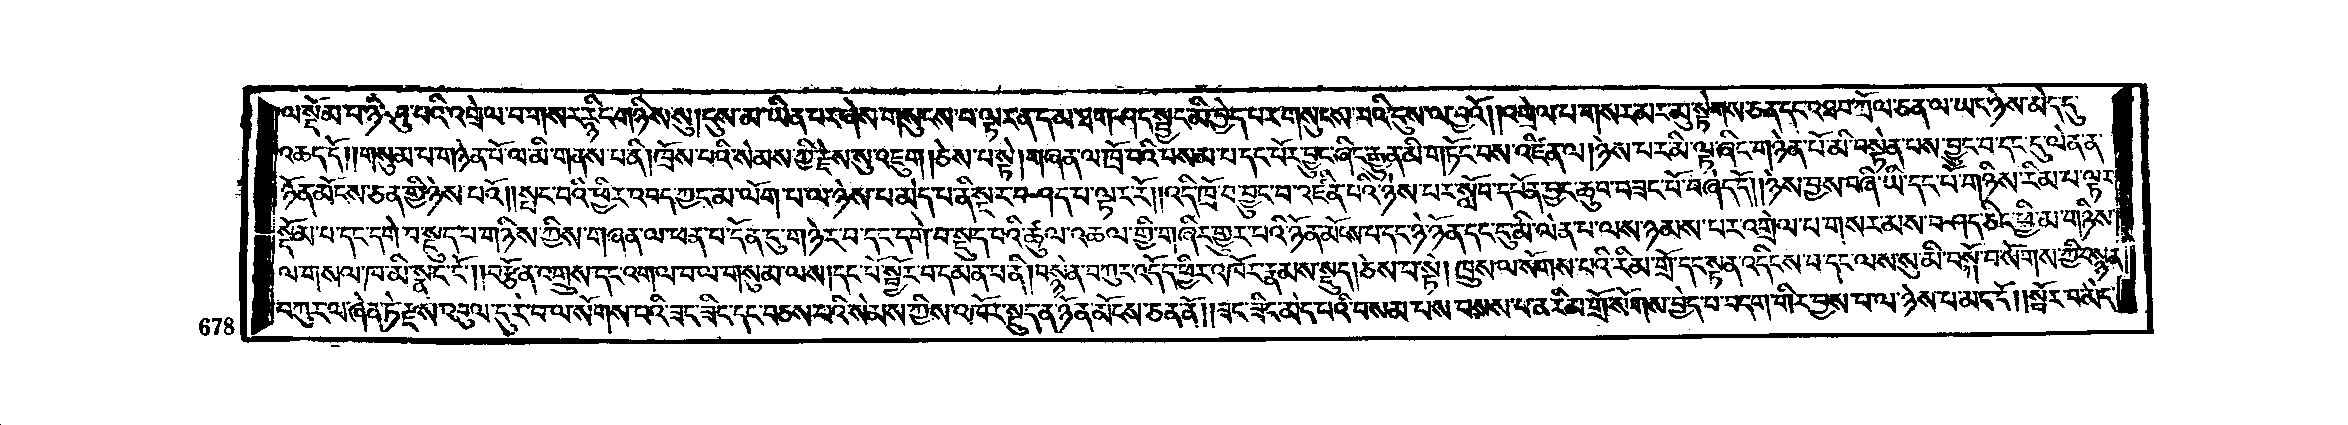ལ་སྡོམ་པ་ཉི་ཤུ་པའི་འགྲེལ་བ་གསར་རྙིང་གཉིས་སུ། དུས་མ་ཡིན་པར་ཞེས་གསུངས་པ་ལྟར་ན་དམ་ཐག་ཤད་སྦྱང་མི་བྱེད་པར་གསུངས་པའི་དུས་ལ་བྱའོ། །འགྲེལ་པ་གསར་མར་མུ་སྟེགས་ཅན་དང་འཐབ་ཀྲོལ་ཅན་ལ་ཡང་ཉེས་མེད་དུ་
འཆད་དོ། །གསུམ་པ་གཉེན་པོ་ལ་མི་གནས་པ་ནི། ཁྲོས་པའི་སེམས་ཀྱི་རྗེས་སུ་འཇུག །ཅེས་པ་སྟེ། གཞན་ལ་ཁྲོ་བའི་བསམ་པ་དང་པོར་བྱུང་ཞིང་རྒྱུན་མི་གཏོང་བས་འཛིན་ལ། ཉེས་པར་མི་ལྟ་ཞིང་གཉེན་པོ་མི་བསྟེན་པས་བྱུང་བ་དང་དུ་ལེན་ན་
ཉོན་མོངས་ཅན་གྱི་ཉེས་པའོ། །སྤང་བའི་ཕྱིར་འབད་ཀྱང་མ་ལོག་པ་ལ་ཉེས་པ་མེད་པ་ནི་སྔར་བཤད་པ་ལྟར་རོ། །འདི་ཁྲོ་བ་བྱུང་བ་འཛིན་པའི་ཉེས་པར་སློབ་དཔོན་བྱང་ཆུབ་བཟང་པོ་བཞེད་དོ། །ཉེས་བྱས་བཞི་ཡི་དང་པོ་གཉིས་རིམ་པ་ལྟར་
སྡོམ་པ་དང་དགེ་བ་སྡུད་པ་གཉིས་ཀྱིས་གཞན་ལ་ཕན་པ་དོན་དུ་གཉེར་བ་དང་དགེ་བ་སྡུད་པའི་ཚུལ་འཆལ་གྱི་གཞིར་གྱུར་པའི་ཉོན་མོངས་པ་དང་ཉེ་ཉོན་དང་དུ་མི་ལེན་པ་ལས་ཉམས་པར་འགྲེལ་པ་གསར་མས་བཤད་ཅིང་ཕྱི་མ་གཉིས་
ལ་གསལ་ཁ་མི་སྣང་ངོ། །བརྩོན་འགྲུས་དང་འགལ་བ་ལ་གསུམ་ལས། དང་པོ་སྦྱོར་བ་དམན་པ་ནི། བསྙེན་བཀུར་འདོད་ཕྱིར་འཁོར་རྣམས་སྡུད། ཅེས་པ་སྟེ། ཁྲུས་ལ་སོགས་པའི་རིམ་གྲོ་དང་སྟན་འདིངས་པ་དང་ལས་སུ་མི་བསྐོ་བ་སོགས་ཀྱི་བསྙན་
བཀུར་ལ་ཞེན་ཏེ་རྫས་འབུལ་དུ་རེ་བ་ལ་སོགས་པའི་ཟང་ཟིང་དང་བཅས་པའི་སེམས་ཀྱིས་འཁོར་སྡུད་ན་ཉོན་མོངས་ཅན་ནོ། །ཟང་ཟིང་མེད་པའི་བསམ་པས་བསས་པ་ན་རིམ་གྲོ་སོགས་བྱེད་པ་བདག་གིར་བྱས་པ་ལ་ཉེས་པ་མེད་དོ། །སྦོར་བ་མེད་